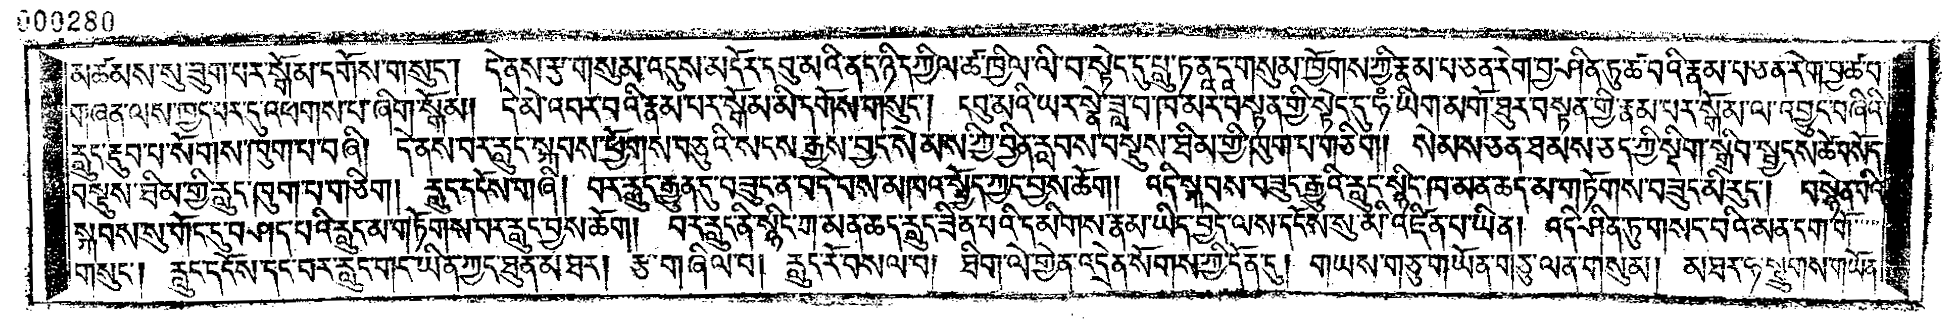མཚམས་སུ་ཟུག་པར་སྒོམ་དགོས་གསུང་། དེ་ནས་རྩ་གསུམ་འདུས་མདོར་དབུ་མའི་ནང་ཉིད་དཀྱིལ་ཚ་ཁྱིལ་ལི་བ་སྟེང་དུ་པླུ་ཏ་ནཱ་དཱ་གསུམ་ཁྱོགས་ཀྱི་རྣམ་པ་ཅན་རེག་བྱ་ཤིན་ཏུ་ཚ་བའི་རྣམ་པ་ཅན་རེག་བྱ་ཚ་བ་
གཞན་ལས་ཁྱད་པར་དུ་འཕགས་པ་ཞིག་སྒོམ། དེ་མེ་འབར་བའི་རྣམ་པར་སྒོམ་མི་དགོས་གསུང་། དབུ་མའི་ཡར་སྣེ་ཟླ་བ་ཁ་མར་བསྟན་གྱི་སྟེང་དུ་ཧཾ་ཡིག་མགོ་ཐུར་བསྟན་གྱི་རྣམ་པར་སྒོམ་ལ་འབྱུང་བཞིའི་
རླུང་རྔུབ་པ་སོགས་ཁུག་པ་བཞི། དེ་ནས་བར་རླུང་སྐབས་ཕྱོགས་བཅུའི་སངས་རྒྱས་བྱང་སེམས་ཀྱི་བྱིན་རླབས་བསྡུས་ཐིམ་གྱི་ཁུག་པ་གཅིག །སེམས་ཅན་ཐམས་ཅད་ཀྱི་སྡིག་སྒྲིབ་སྦྱངས་ཚེ་བསོད་
བསྡུས་ཐིམ་གྱི་རླུང་ཁུག་པ་གཅིག །རླུང་དངོས་གཞི། བར་རླུང་རྒྱུན་དུ་བཟུང་ན་བདེ་བས་མཁའ་སྤྱོད་ཀྱང་བྱས་ཆོག །འདི་སྐབས་བཟུང་རྒྱུའི་རླུང་སྙིང་ཁ་མན་ཆད་མ་གཏོགས་བཟུང་མི་རུང་། བསྙེན་པའི་
སྐབས་སུ་གོང་དུ་བཤད་པའི་རླུང་མ་གཏོགས་པར་རླུང་བྱས་ཆོག །བར་རླུང་ནི་སྙིང་ག་མན་ཆད་རླུང་ཟིན་པའི་དམིགས་རྣམ་ཡིད་བྱེད་ལས་དངོས་སུ་མི་འཛིན་པ་ཡིན། འདི་ཤིན་ཏུ་གསང་བའི་མན་ངག་གོ་
གསུང་། རླུང་དངོས་དང་བར་རླུང་གང་ཡིན་ཀྱང་ཐུན་མཐར། རྩ་གཞིལ་བ། རླུང་རོ་བསལ་བ། ཐིག་ལེ་གྱེན་འདྲེན་སོགས་ཀྱི་དོན་དུ། གཡས་གཅུ་གཡོན་གཅུ་ལན་གསུམ། མཐར་ཧ་སྤྲུགས་གཡོན་